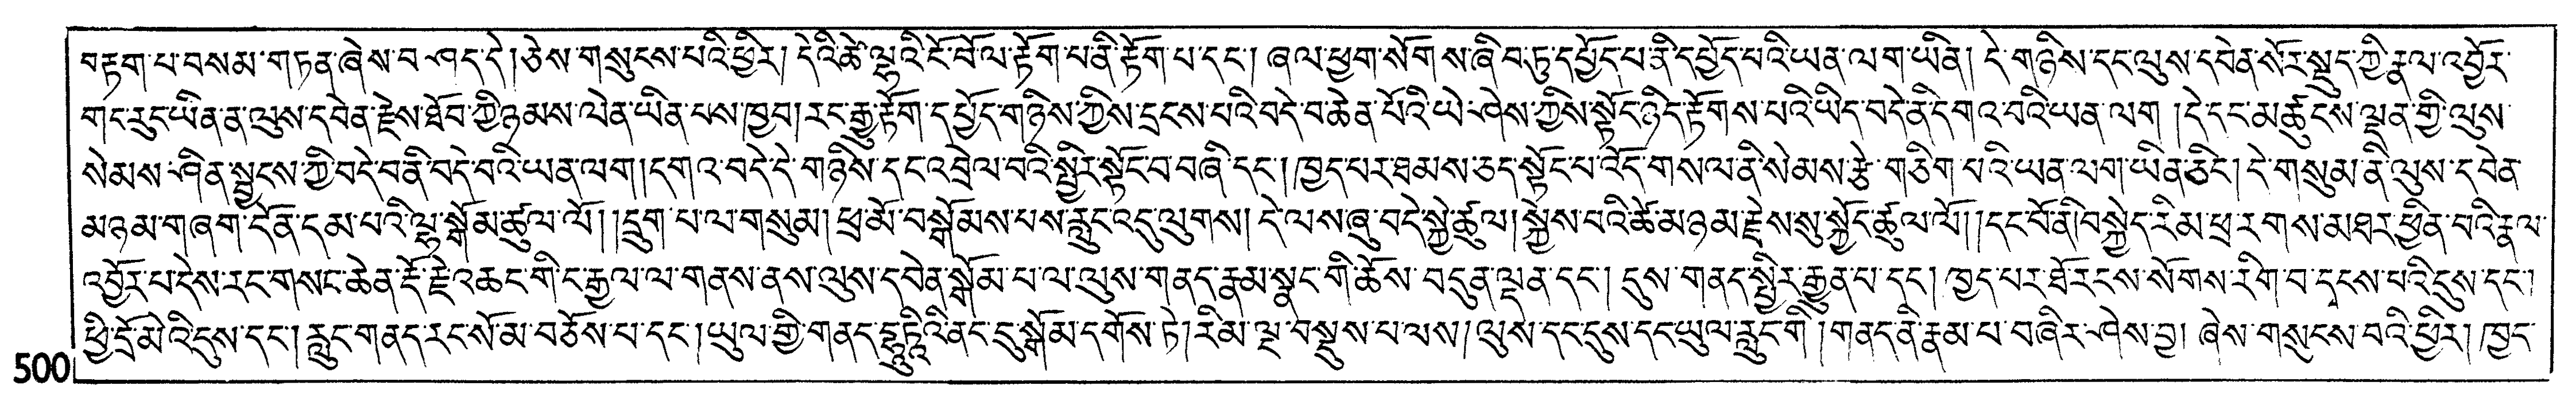བརྟག་པ་བསམ་གཏན་ཞེས་བཤད་དེ། ཅེས་གསུངས་པའི་ཕྱིར། དེའི་ཚེ་ལྷའི་ངོ་བོ་ལ་རྟོག་པ་ནི་རྟོག་པ་དང་། ཞལ་ཕྱག་སོགས་ཞིབ་ཏུ་དཔྱོད་པ་ནི་དཔྱོད་པའི་ཡན་ལག་ཡིན། དེ་གཉིས་དང་ལུས་དབེན་སོར་སྡུད་ཀྱི་རྣལ་འབྱོར་
གང་རུང་ཡིན་ན་ལུས་དབེན་རྗེས་ཐོབ་ཀྱི་ཉམས་ལེན་ཡིན་པས་ཁྱབ། རང་རྒྱུ་རྟོག་དཔྱོད་གཉིས་ཀྱིས་དྲངས་པའི་བདེ་བ་ཆེན་པོའི་ཡེ་ཤེས་ཀྱིས་སྟོང་ཉིད་རྟོགས་པའི་ཡིད་བདེ་ནི་དགའ་བའི་ཡན་ལག །དེ་དང་མཚུངས་ལྡན་གྱི་ལུས་
སེམས་ཤིན་སྦྱངས་ཀྱི་བདེ་བ་ནི་བདེ་བའི་ཡན་ལག །དགའ་བདེ་དེ་གཉིས་དང་འབྲེལ་བའི་སྤྱིར་སྟོང་བ་བཞི་དང་། ཁྱད་པར་ཐམས་ཅད་སྟོང་པ་འོད་གསལ་ནི་སེམས་རྩེ་གཅིག་པའི་ཡན་ལག་ཡིན་ཅིང་། དེ་གསུམ་ནི་ལུས་དབེན་
མཉམ་གཞག་དོན་དམ་པའི་ལྷ་སྒོམ་ཚུལ་ལོ། །དྲུག་པ་ལ་གསུམ། ཕྲ་མོ་བསྒོམས་པས་རླུང་འདུ་ལུགས། དེ་ལས་ཞུ་བདེ་སྐྱེ་ཚུལ། སྐྱེས་པའི་ཚེ་མཉམ་རྗེས་སུ་སྐྱོང་ཚུལ་ལོ། །དང་པོ་ནི། བསྐྱེད་རིམ་ཕྲ་རགས་མཐར་ཕྱིན་པའི་རྣལ་
འབྱོར་པ་དེས་རང་གསང་ཆེན་རྡོ་རྗེ་འཆང་གི་ང་རྒྱལ་ལ་གནས་ནས་ལུས་དབེན་སྒོམ་པ་ལ་ལུས་གནད་རྣམ་སྣང་གི་ཆོས་བདུན་ལྡན་དང་། དུས་གནད་སྤྱིར་རྒྱུན་པ་དང་། ཁྱད་པར་ཐོ་རངས་སོགས་རིག་པ་དྭངས་པའི་དུས་དང་།
ཕྱི་དྲོ་མེའི་དུས་དང་། རླུང་གནད་རང་སོ་མ་བཅོས་པ་དང་། ཡུལ་གྱི་གནད་དྷཱུ་ཏཱིའི་ནང་དུ་སྒོམ་དགོས་ཏེ། རིམ་ལྔ་བསྡུས་པ་ལས། ལུས་དང་དུས་དང་ཡུལ་རླུང་གི །གནད་ནི་རྣམ་པ་བཞིར་ཤེས་བྱ། ཞེས་གསུངས་པའི་ཕྱིར། ཁྱད་